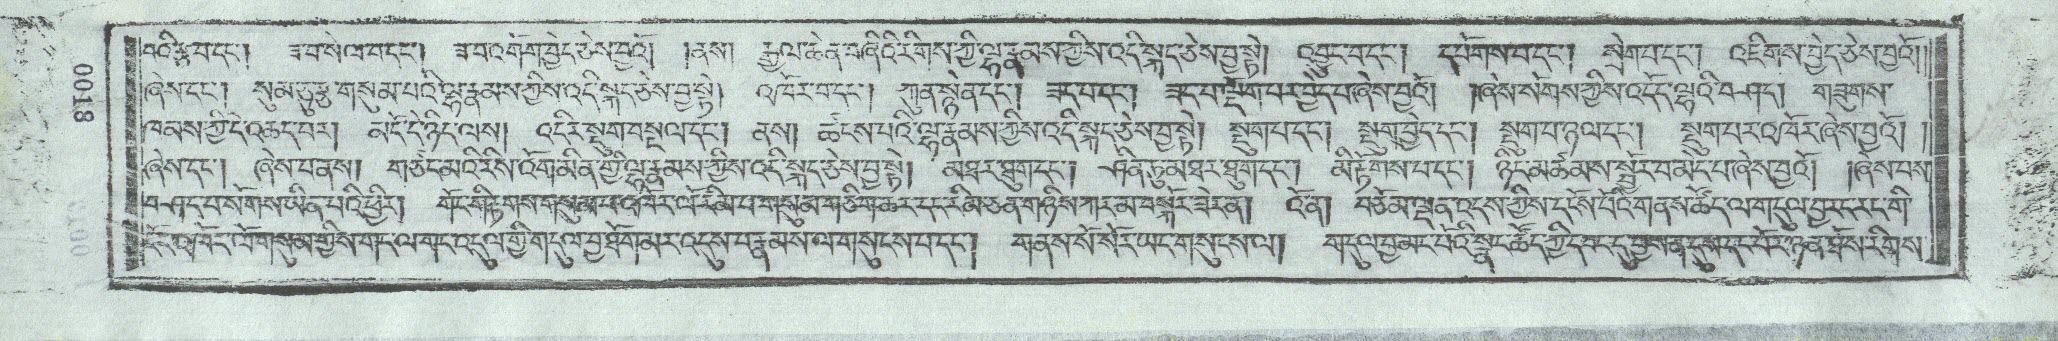བའི་རྩ་བ་དང་། ཟ་བ་སེལ་བ་དང་། ཟ་བ་འགོག་བྱེད་ཅེས་བྱའོ། །ནས། རྒྱལ་ཆེན་བཞིའི་རིགས་ཀྱི་ལྷ་རྣམས་ཀྱིས་འདི་སྐད་ཅེས་བྱ་སྟེ། འབྱུང་བ་དང་། དཔོགས་པ་དང་། སྲེག་པ་དང་། འཇིགས་བྱེད་ཅེས་བྱའོ།།
ཞེས་དང༑ སུམ་ཅུ་རྩ་གསུམ་པའི་ལྷ་རྣམས་ཀྱིས་འདི་སྐད་ཅེས་བྱ་སྟེ། འཁོར་བ་དང་། ཀུན་སྙེན་དང་། ཟད་པ་དང་། ཟད་པ་ལྡོག་པར་བྱེད་པ་ཞེས་བྱའོ། །ཞེས་སོགས་ཀྱིས་འདོད་ལྷའི་བཤད། གཟུགས་
ཁམས་ཀྱི་དེ་འཆད་པར། མདོ་དེ་ཉིད་ལས། འདིར་སྡུག་བསྔལ་དང་། ནས། ཚངས་པའི་ལྷ་རྣམས་ཀྱིས་འདི་སྐད་ཅེས་བྱ་སྟེ། སྡུག་པ་དང་། སྡུག་བྱེད་དང་། སྡུག་པ་ཉལ་དང་། སྡུག་པར་འཁོར་ཞེས་བྱའོ། །
ཞེས་དང་། ཞེས་པ་ནས། གཙང་མའི་རིས་འོག་མིན་གྱི་ལྷ་རྣམས་ཀྱིས་འདི་སྐད་ཅེས་བྱ་སྟེ། མཐར་ཐུག་དང་། ཤིན་ཏུ་མཐར་ཐུག་དང་། མི་རྟོགས་པ་དང་། ཉིང་མཚམས་སྦྱོར་བ་མེད་པ་ཞེས་བྱའོ། །ཞེས་པས་
བཤད་པ་སོགས་ཡིན་པའི་ཕྱིར། གོང་གི་རྟགས་གསུམ་པ་འཁོར་ལོ་རིམ་པ་གསུམ་གཅིག་ཆར་དང་རིམ་ཅན་གཉིས་ཀར་མ་བསྐོར་ཟེར་ན། འོ་ན། བཅོམ་ལྡན་འདས་ཀྱིས་དངོས་པོའི་གནས་ཚོད་ལ་གདུལ་བྱ་རང་རང་གི་
ངོར་འཁོར་ལོ་གསུམ་གྱིས་གང་ལ་གང་འདུལ་གྱི་གདུལ་བྱ་ཐོག་མར་འདུས་པ་རྣམས་ལ་གསུངས་པ་དང་། གནས་སོ་སོར་ཡང་གསུངས་ལ། གདུལ་བྱ་མང་པོའི་སྣང་ཚོད་ཀྱི་དབང་དུ་བྱས་ན་དུས་དང་པོར་ཉན་ཐོས་རིགས་